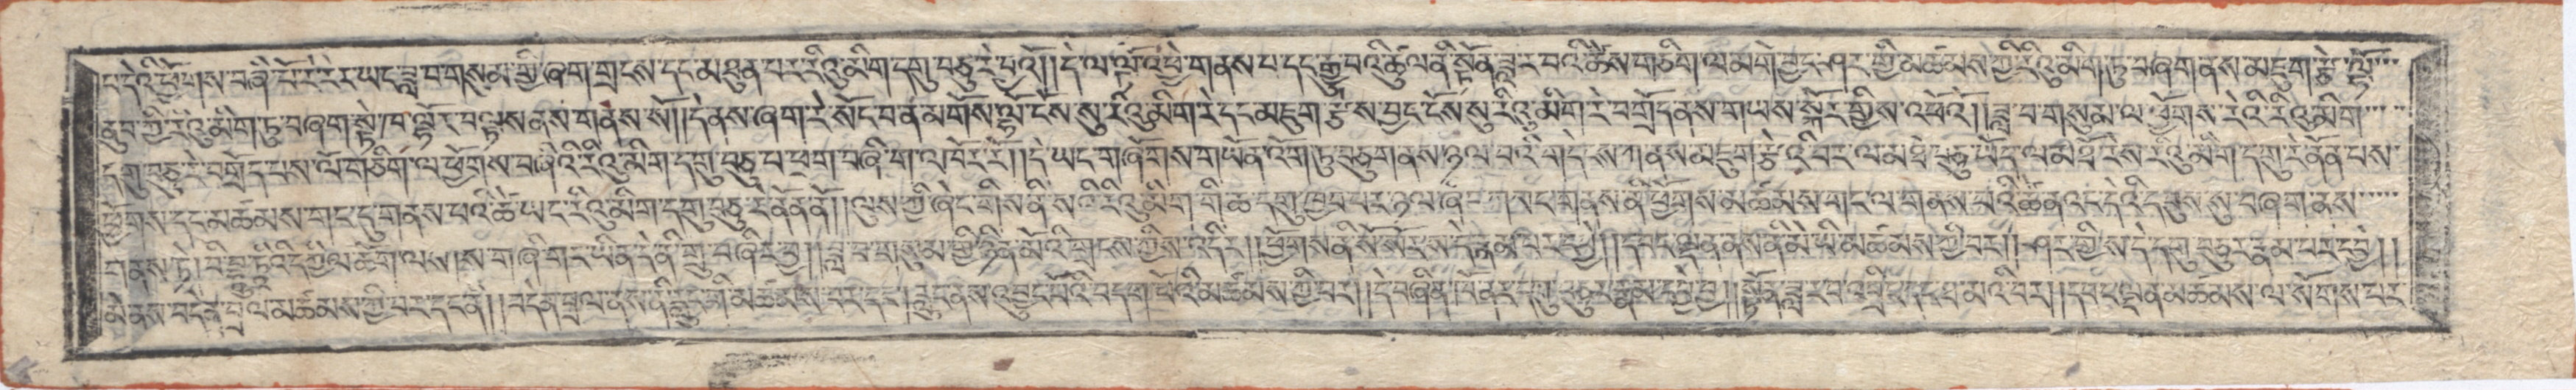པ་དེའི་ཕྱོགས་བཞི་པོ་རེ་རེར་ཡང་ཟླ་བ་གསུམ་གྱི་ཞག་གྲངས་དང་མཐུན་པར་རིའུ་མིག་དགུ་བཅུ་རེ་བྱའོ། །དེ་ལ་ལྟོ་འཕྱེ་གནས་པ་དང་རྒྱུ་བའི་ཚུལ་ནི་སྟོན་ཟླ་ར་བའི་ཚེས་གཅིག་ལ་མགོ་བྱང་ཤར་གྱི་མཚམས་ཀྱི་རིའུ་མིག་ཏུ་བཞག་ནས་མཇུག་རྩེ་ལྷོ་
ནུབ་ཀྱི་རིའུ་མིག་ཏུ་བཞག་སྟེ་ཁ་ལྷོར་བལྟས་ནས་གནས་སོ། །དེ་ནས་ཞག་རེ་སོང་བ་ན་མགོ་ས་ལྷོ་ངོས་སུ་རིའུ་མིག་རེ་དང་མཇུག་རྩེས་བྱང་ངོས་སུ་རིའུ་མིག་རེ་བགྲོད་ནས་གཡས་སྐོར་གྱིས་འཕོའོ། །ཟླ་བ་གསུམ་ལ་ཕྱོགས་རེའི་རིའུ་མིག་
དགུ་བཅུ་རེ་བགྲོད་པས་ལོ་གཅིག་ལ་ཕྱོགས་བཞིའི་རིའུ་མིག་དགུ་བཅུ་པ་ཕྲག་བཞི་ག་འཁོར་རོ། །དེ་ཡང་གཞོགས་གཡོན་འོག་ཏུ་བཅུག་ནས་ཉལ་བའི་གདེངས་ཀ་ནས་མཇུག་རྩེའི་བར་ལ་མཐོ་བཅུ་ཡོད་ལ་མཐོ་རེས་རིའུ་མིག་དགུ་རེ་ནོན་པས་
ཕྱོགས་དང་མཚམས་གང་དུ་གནས་པའི་ཚེ་ཡང་རིའུ་མིག་དགུ་བཅུ་རེ་ནོན་ནོ། །ལུས་ཀྱི་ཞེང་གིས་ནི་སའི་རིའུ་མིག་གི་ཆ་དགུ་ཁྱབ་པར་ཉལ་ཞིང་གསང་གནས་ནི་ཕྱོགས་མཚམས་གང་ལ་གནས་པའི་ཚེ་ནའང་དེའི་དབུས་སུ་བཞག་ནས་
གནས་ཏེ། བི་བྷཱུ་ཏཱིའི་དཀྱིལ་ཆོག་ལས། ས་གཞི་གང་ཡིན་དེ་ནི་གྲུ་བཞིར་བྱ། །ཟླ་བ་གསུམ་གྱི་ཉིན་མོའི་གྲངས་ཀྱིས་འདིར། །ཕྱོགས་ནི་སོ་སོར་ས་དེ་རྣམ་པར་དབྱེ། །དབང་ལྡན་ནས་ནི་མེ་ཡི་མཚམས་ཀྱི་བར། །ཤར་གྱི་ས་དེ་དགུ་བཅུར་རྣམ་པར་དབྱེ། །
མེ་ནས་བདེན་བྲལ་མཚམས་ཀྱི་བར་དང་ནི། །བདེན་བྲལ་ནས་ནི་རླུང་གི་མཚམས་བར་དང་། རླུང་ནས་འབྱུང་པོའི་བདག་པོའི་མཚམས་ཀྱི་བར། །དེ་བཞིན་ཁོ་ནར་དགུ་བཅུར་རྣམ་དབྱེ་བྱ། །སྟོན་ཟླ་ར་བ་འབྲིང་དང་ཐ་མའི་བར། །དབང་ལྡན་མཚམས་ལ་སོགས་པར་